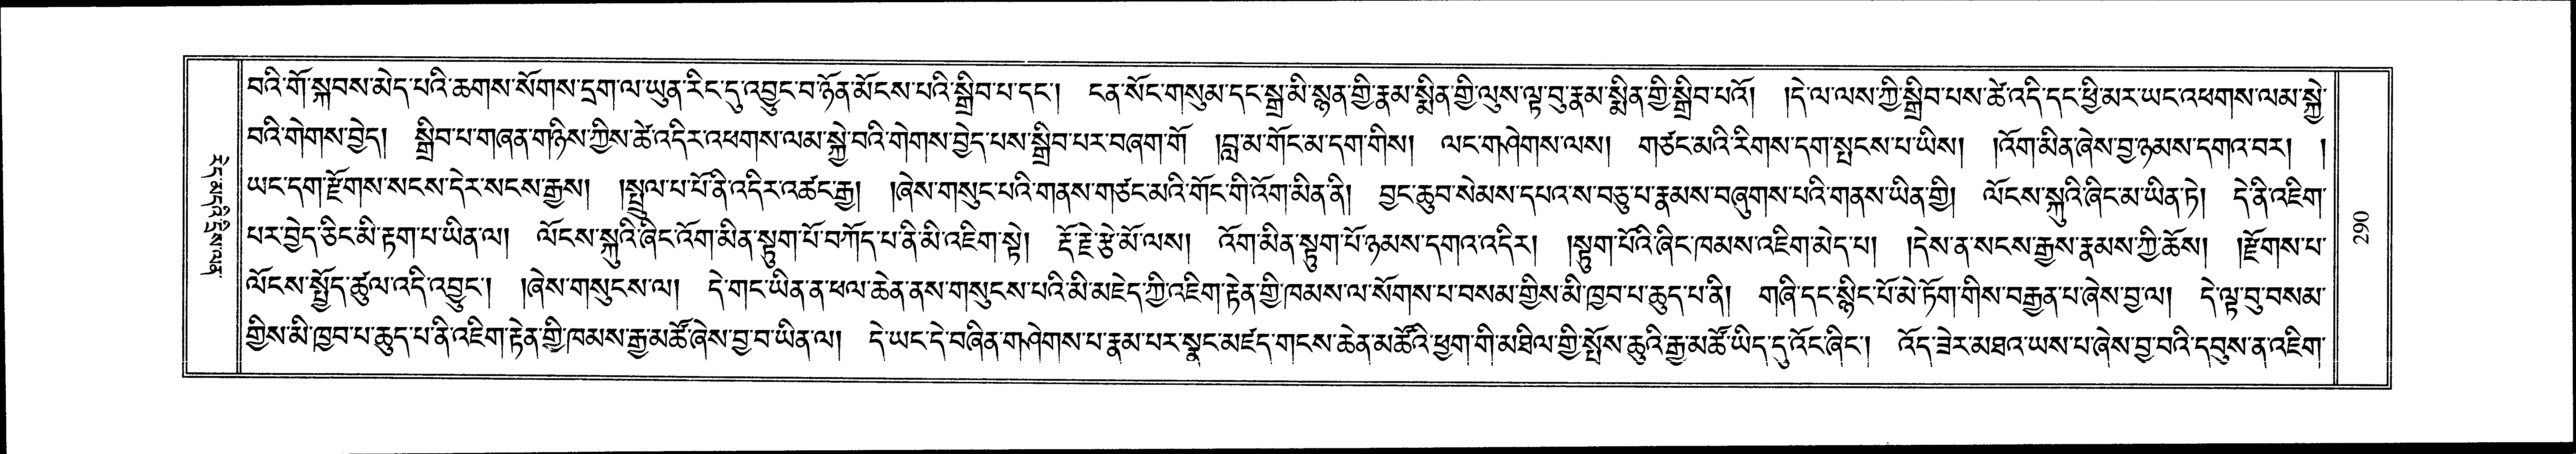བའི་གོ་སྐབས་མེད་པའི་ཆགས་སོགས་དྲག་ལ་ཡུན་རིང་དུ་འབྱུང་བ་ཉོན་མོངས་པའི་སྒྲིབ་པ་དང་། ངན་སོང་གསུམ་དང་སྒྲ་མི་སྙན་གྱི་རྣམ་སྨིན་གྱི་ལུས་ལྟ་བུ་རྣམ་སྨིན་གྱི་སྒྲིབ་པའོ། །དེ་ལ་ལས་ཀྱི་སྒྲིབ་པས་ཚེ་འདི་དང་ཕྱི་མར་ཡང་འཕགས་ལམ་སྐྱེ་
བའི་གེགས་བྱེད། སྒྲིབ་པ་གཞན་གཉིས་ཀྱིས་ཚེ་འདིར་འཕགས་ལམ་སྐྱེ་བའི་གེགས་བྱེད་པས་སྒྲིབ་པར་བཞག་གོ །བླ་མ་གོང་མ་དག་གིས། ལང་གཤེགས་ལས། གཙང་མའི་རིགས་དག་སྤངས་པ་ཡིས། །འོག་མིན་ཞེས་བྱ་ཉམས་དགའ་བར། །
ཡང་དག་རྫོགས་སངས་དེར་སངས་རྒྱས། །སྤྲུལ་པ་པོ་ནི་འདིར་འཚང་རྒྱ། །ཞེས་གསུང་པའི་གནས་གཙང་མའི་གོང་གི་འོག་མིན་ནི། བྱང་ཆུབ་སེམས་དཔའ་ས་བཅུ་པ་རྣམས་བཞུགས་པའི་གནས་ཡིན་གྱི། ལོངས་སྐུའི་ཞིང་མ་ཡིན་ཏེ། དེ་ནི་འཇིག་
པར་བྱེད་ཅིང་མི་རྟག་པ་ཡིན་ལ། ལོངས་སྐུའི་ཞིང་འོག་མིན་སྟུག་པོ་བཀོད་པ་ནི་མི་འཇིག་སྟེ། རྡོ་རྗེ་རྩེ་མོ་ལས། འོག་མིན་སྟུག་པོ་ཉམས་དགའ་འདིར། །སྟུག་པོའི་ཞིང་ཁམས་འཇིག་མེད་པ། །དེས་ན་སངས་རྒྱས་རྣམས་ཀྱི་ཆོས། །རྫོགས་པ་
ལོངས་སྤྱོད་ཚུལ་འདི་འབྱུང་། །ཞེས་གསུངས་ལ། དེ་གང་ཡིན་ན་ཕལ་ཆེན་ནས་གསུངས་པའི་མི་མཇེད་ཀྱི་འཇིག་རྟེན་གྱི་ཁམས་ལ་སོགས་པ་བསམ་གྱིས་མི་ཁྱབ་པ་ཆུད་པ་ནི། གཞི་དང་སྙིང་པོ་མེ་ཏོག་གིས་བརྒྱན་པ་ཞེས་བྱ་ལ། དེ་ལྟ་བུ་བསམ་
གྱིས་མི་ཁྱབ་པ་ཆུད་པ་ནི་འཇིག་རྟེན་གྱི་ཁམས་རྒྱ་མཚོ་ཞེས་བྱ་བ་ཡིན་ལ། དེ་ཡང་དེ་བཞིན་གཤེགས་པ་རྣམ་པར་སྣང་མཛད་གངས་ཆེན་མཚོའི་ཕྱག་གི་མཐིལ་གྱི་སྤོས་ཆུའི་རྒྱ་མཚོ་ཡིད་དུ་འོང་ཞིང་། འོག་ཟེར་མཐའ་ཡས་པ་ཞེས་བྱ་བའི་དབུས་ན་འཇིག་